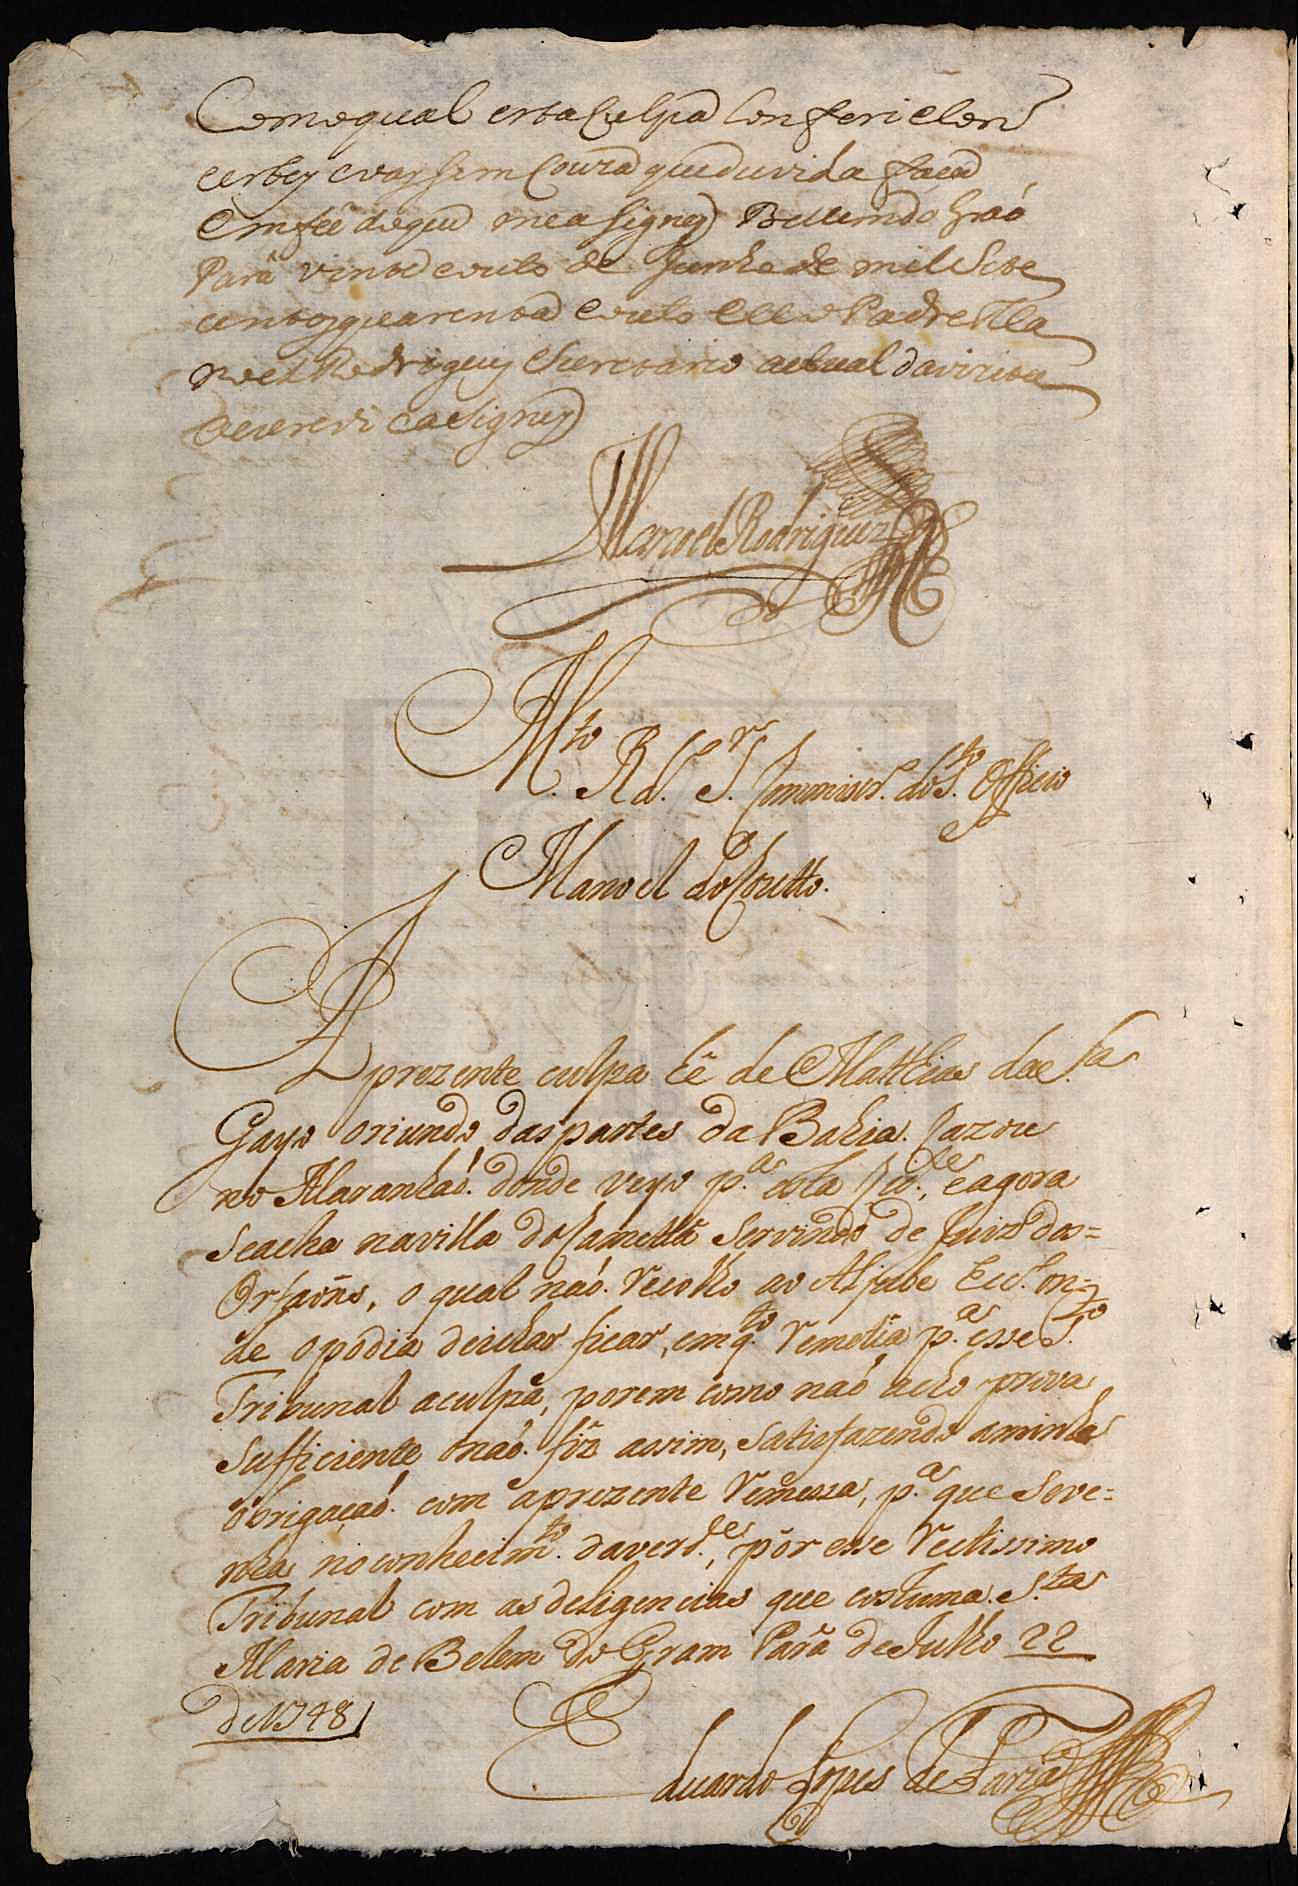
Com o qual esta Culpa conferi e con
certey e vay sem Couza que duvida faça
em feé do que me asignej Bellem do Graõ
Parâ vinte e outo de Junho de mil Sete
centos quarenta e outo eu o Padre Ma
noel Rodrigues secretario actual da vizita
o escrevi e asigney
Manoel Rodriguez
M.to Rd.o S.r Commisr.o do S.to Officio
Manoel do Coutto.
A prezente culpa hé de Matthias da S.a
Gayo oriundo das partes da Bahia. Cazou
no Maranhaõ donde veyo p.a esta Cid.e e agora
Se acha na villa da Camettâ servindo de Juiz dos
Orfaons, o qual naõ recolho ao Aljube Ecc.o on
de o podia deichar ficar, emq̄to remetia p.a esse s.to
Tribunal a culpa, porem como naõ acho prova
sufficiente o naõ fiz assim, satisfazendo a minha
obrigaçaõ com a prezente Remessa, p.a que se ve
nha no conhecim.to da verd.e por esse rectissimo
Tribunal com as deligencias que costuma. S.ta
Maria de Belem do Gram Pará de Iulho 22
de 1748
Eduardo Lopes de Faria
